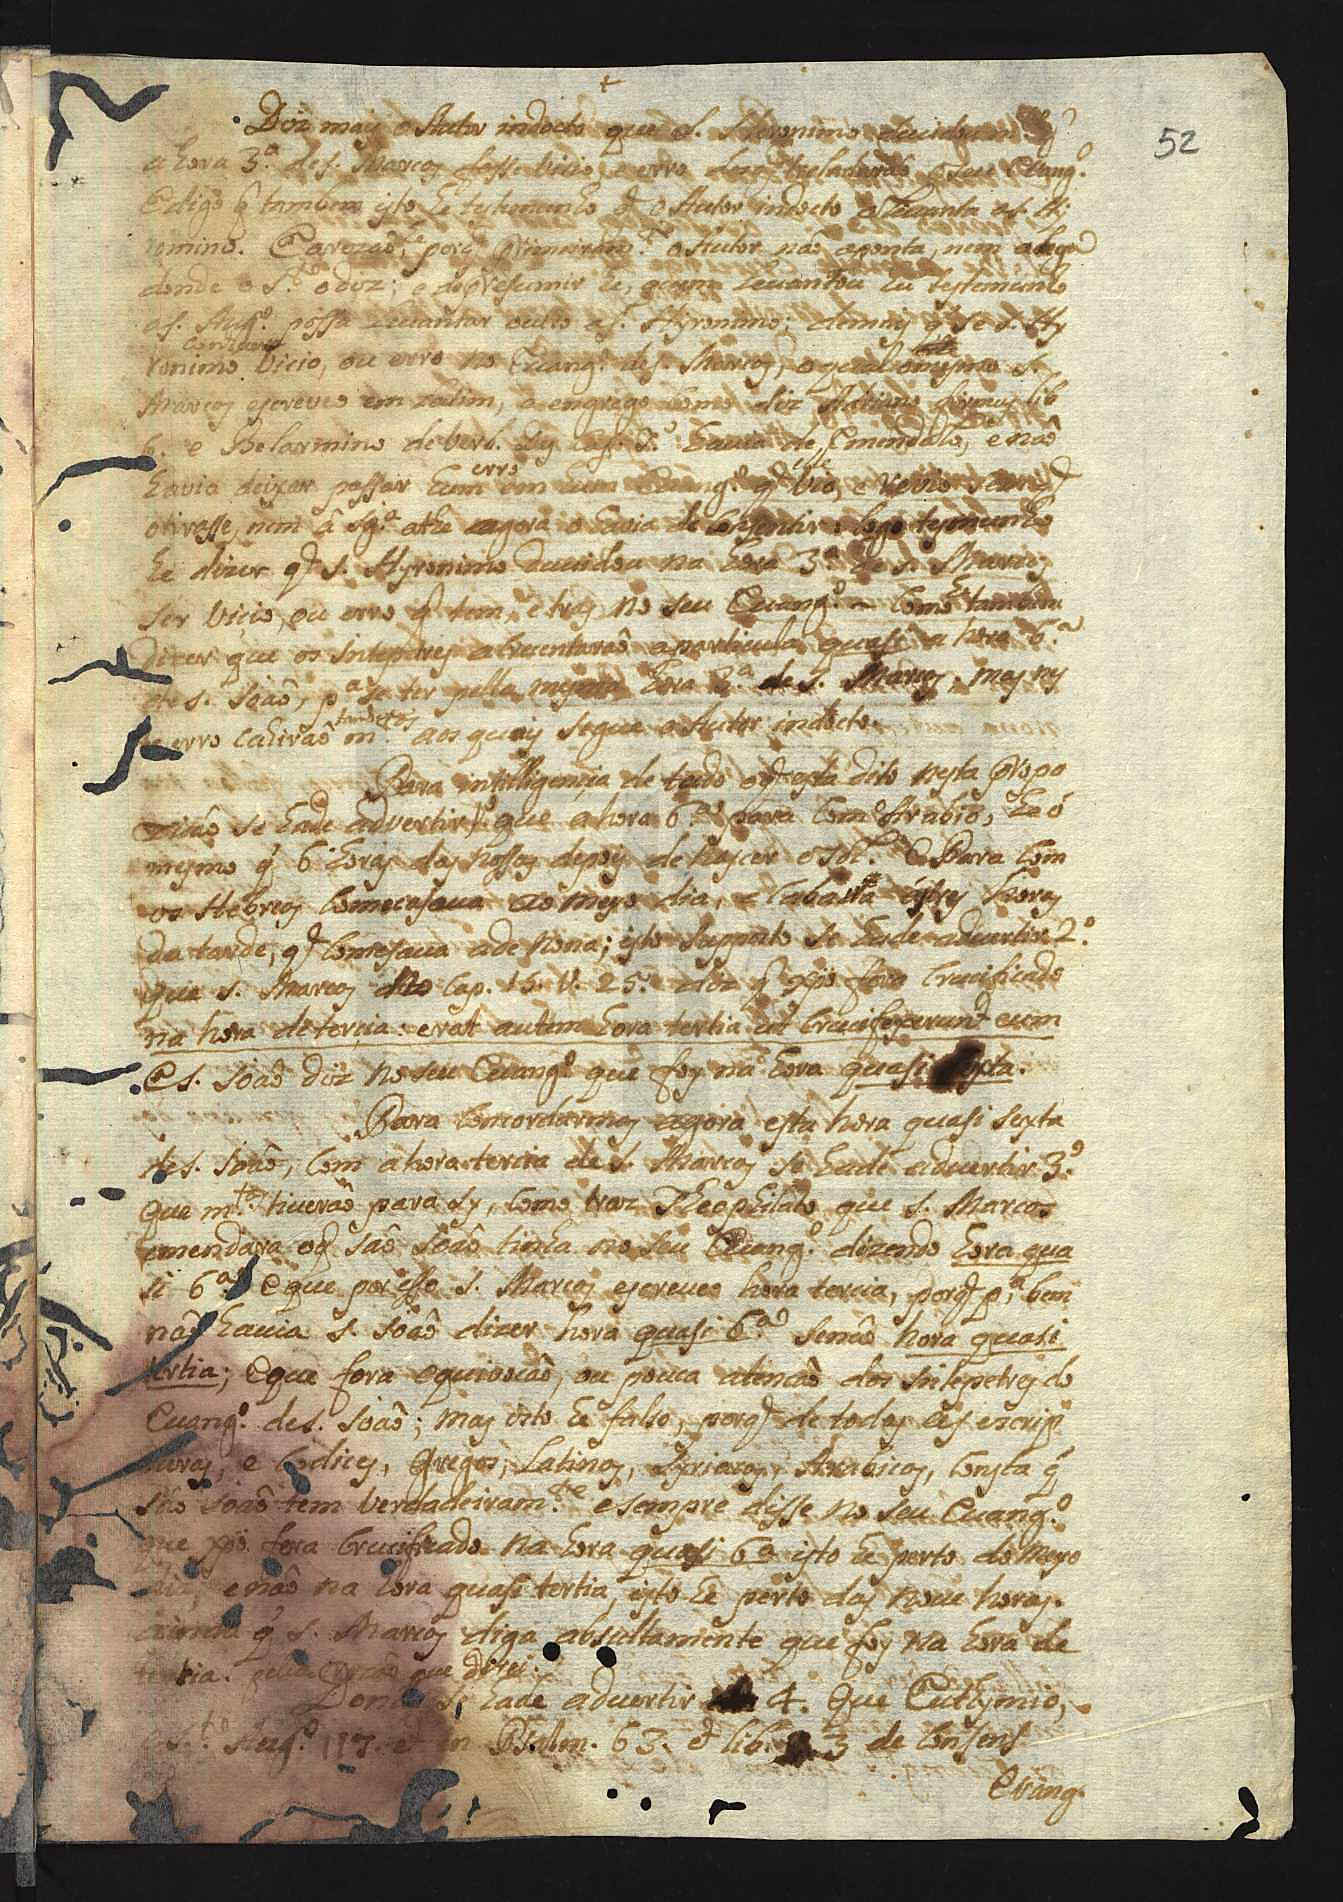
Diz mais o Autor indocto que S. Heronimo duvidou m.to
a hora 3.a de S. Marcos fosse vicio e erro dos q̄ tresladarão o seu euang.o
E digo q̄ tambem isto he testemunho q̄ o Autor indocto aLeuanta a s. Hy
romino. E a rezaõ, he porq̄ primeiram.te: o Autor naõ aponta, nem alega
donde o s.to o diz; e do presumir he, quem Leuantou hū testemunho
a s. Aug.o possa Leuantar outro a s. Hyronimo; demais q̄ se s. Hy
ronimo
conhecesse
Vicio, ou erro no Euang.o de s. Marcos, o qual o mesmo s.
Marcos escreveo em Latim, e en grego como diz Adriano firmus lib
6. e Belarmino de berb. Des Cap. 7.o hauia de Comendalo, e naõ
havia deixar passar hum
erro
em hum Euang.o q̄
elle
vio, e revio sem q̄
o tirasse, nem á Ig.a athe agora o havia de Consentir logo tesmunho
he dizer q̄ s. Hyronimo duuidou na hora 3.a de s. Marcos
ser vicio, ou erro q̄ tem, e tras no seu Euang.o = Como he tambem
dizer que os Intepetres aCresentaraõ a particula quase a hora 6.a
de s. Ioaõ, p.a se ter pella mesma hora 3.a de s. Marcos, mas nes
erro cahiraõ m.tos aos quais segue o Autor indocto.
Para intilligencia de tudo o q̄ esta dito nesta propo
zisaõ se ha de advertir que a hora 6.a para com Arabio, he ó
mesmo q̄ 6 horas das nossas depois de nascer o sol. E Para com
os Hebreos começasaua ao meyo dia, e Cabaua ás tres horas
da tarde, q̄ Comesaua a de nona; isto supposto se ha de adeuertir 2.o
que s. Marcos do Cap. 15. V. 25 dos q̄ xpō fora Crucificado
na hora de tercia. erat autem hora tertia et Crucifexerunt eum
E s. Ioaõ diz no seu Euang.o que foy na hora quasi __xta.
Para concordarmos agora esta hora quasi sexta
de s. Ioaõ, Com a hora tercia de S. Marcos só ha de adeuertir 3.o
que m.tos tiueraõ para sy, como traz Theophilato que s. Marcos
emendara o q̄ saõ Ioaõ tinha no seu Euang.o dizendo hora qua
si 6a. que por esso s. Marcos escreueo hora tercia, porq̄ p.a bem
naõ hauia s. Ioaõ dizer hora quasi 6.as senão hora quasi
_rtia; e que fora equiuocaõ, ou pouca atençaõ dos Intepetres do
Euang.o de s. Ioaõ; mas isto he falso, porq̄ de todas as escrip
uras, e Codices, Gregos, Latinos, syriacos, Arabicos, Consta q̄
são Ioaõ tem verdadeiram.te e sempre disse no seu Euang.o
que xpō fora Crucificado na hora quasi 6a isto he perto do meyo
dia, e naõ na hora quasi tertia isto he perto das noue horas.
q̄ s. Marcos diga absultamente que foy na hora de
tertia pela razaõ que direi.
Don__ se ha de aduertir _ 4. Que Euthymio,
e s.to Aug.o 117. et in Psalm. 63 et lib_ 3 de Consens
Evang
